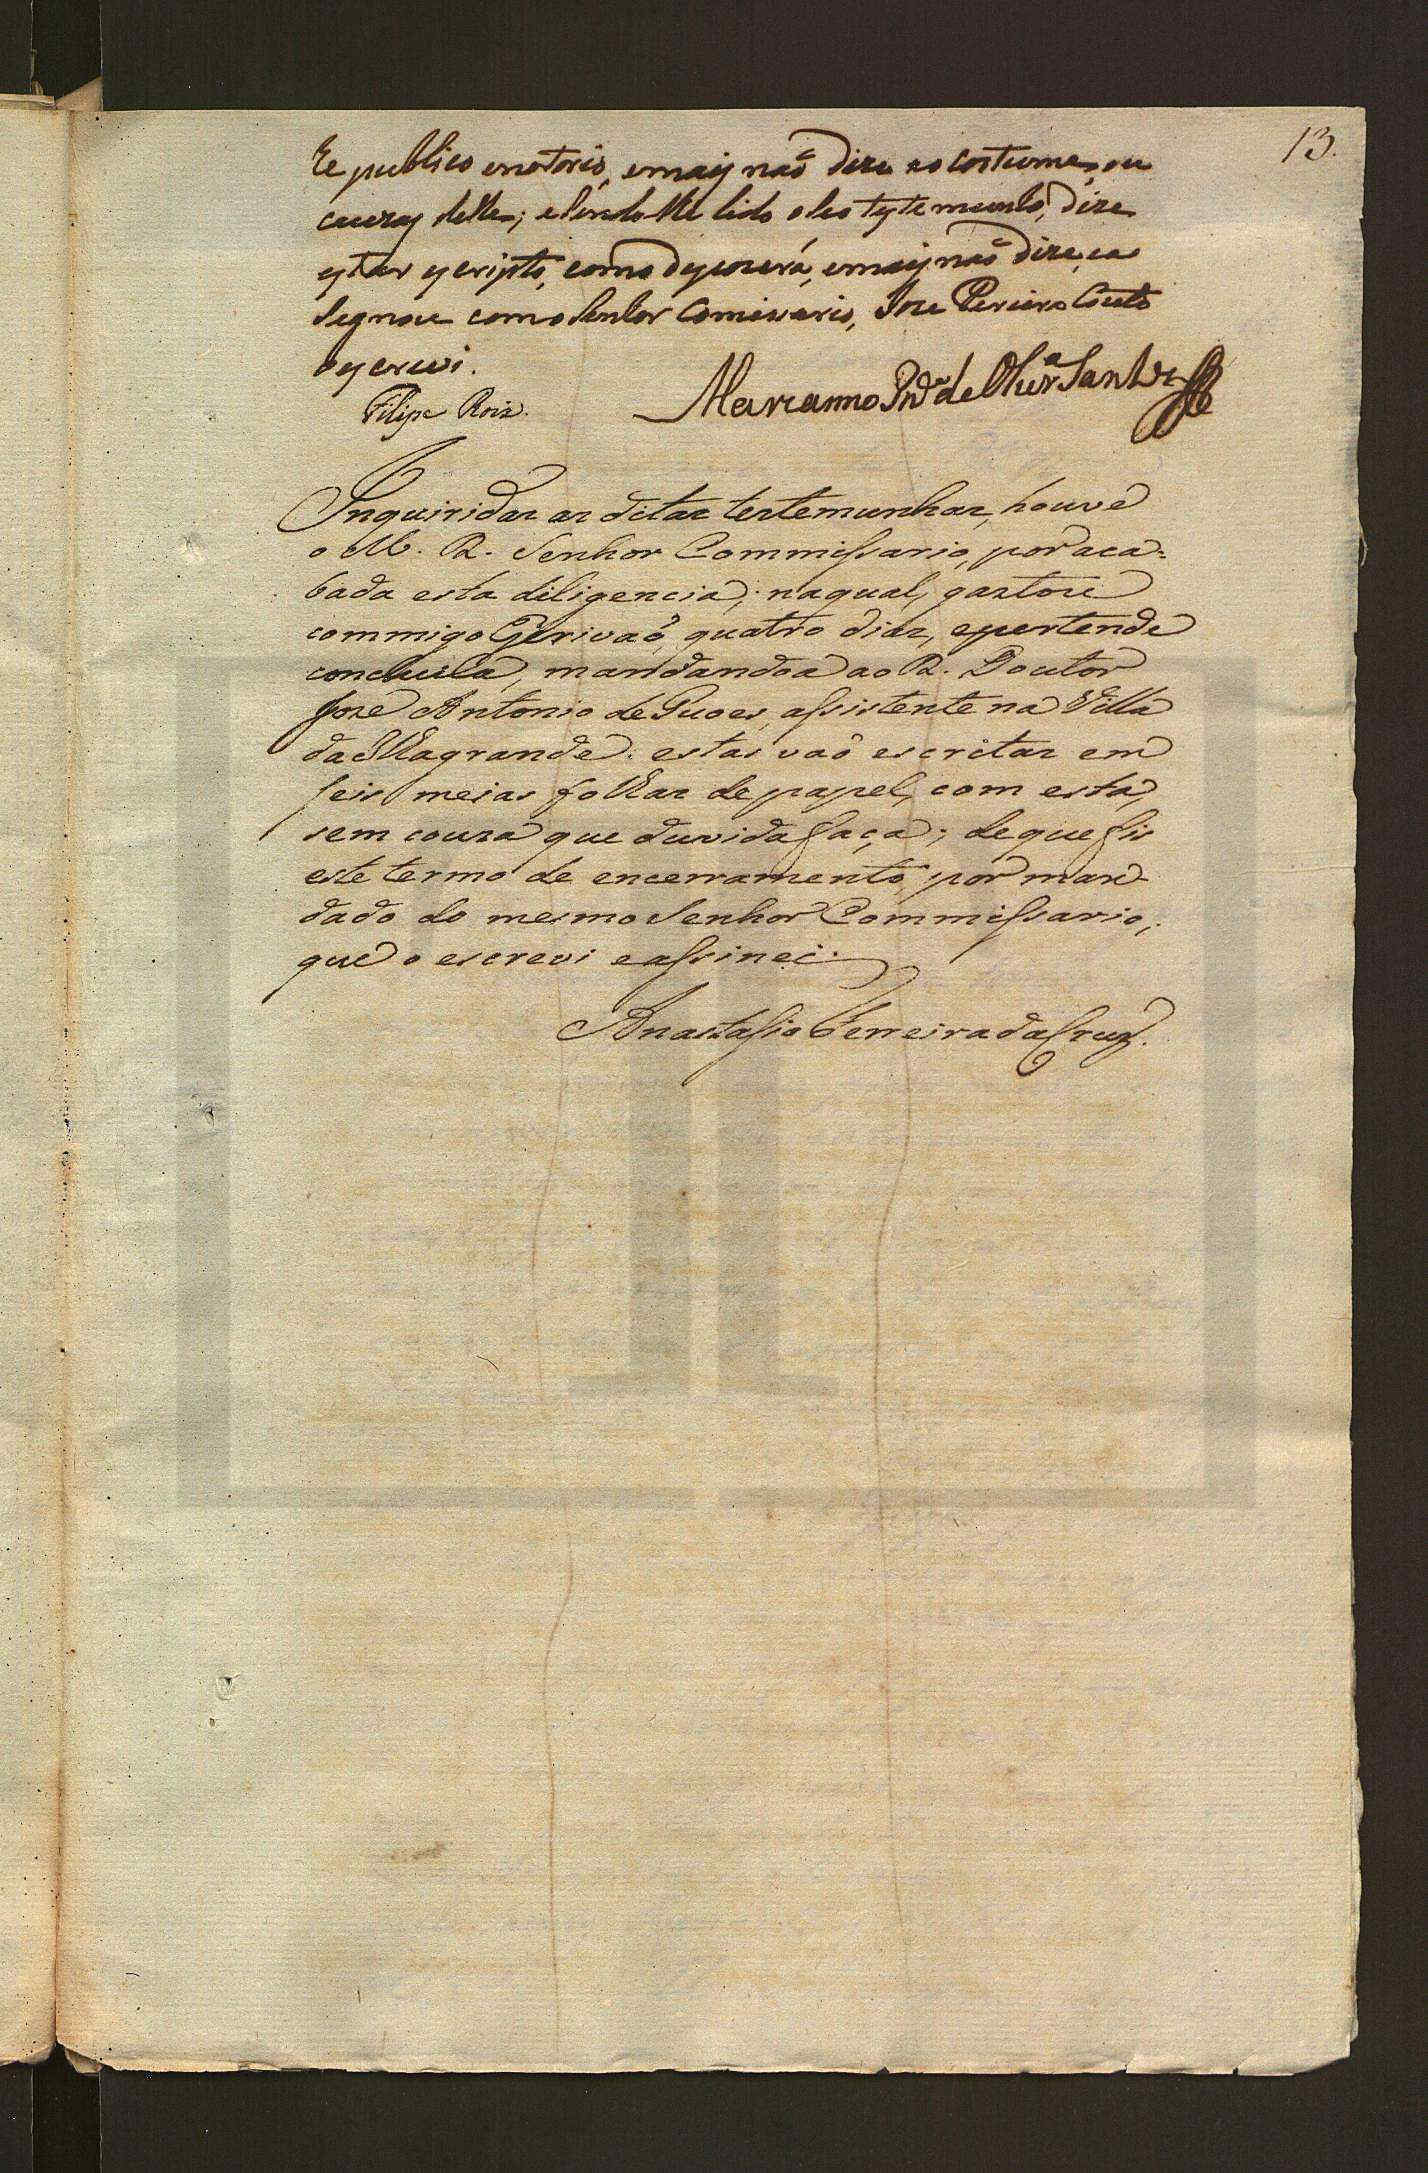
13.
he publico e notorio, e mais naõ dice ao costume, ou
cauzas delle; e sendo-lhe lido o seo testemunho, dize
estar escripto, como depozerá, e mais naõ dize, e a
segnou com o senhor Comissario, Ioze Pereiro Couto
o escrevi.
Mareanno In.a de Oliur.a Santoz
Filipe Roiz̄.
Inquiridaz az ditaz testemunhaz, houve
o M. R. Senhor Commissario, por aca
bada esta diligencia, na qual gaztou
commigo Escrivaõ quatro diaz, e pertende
concluila, mandandoa ao R. Doutor
Joze Antonio de Guoes, assistente na Villa
da Ilha grande. estas vaõ escritaz em
seis meias folhaz de papel, com esta,
sem couza que duvida faça; de que fis
este termo de encerramento, por man
dado do mesmo senhor Commissario,
que o escrevi e assinei
Anastasio Ferreira da Cruz
